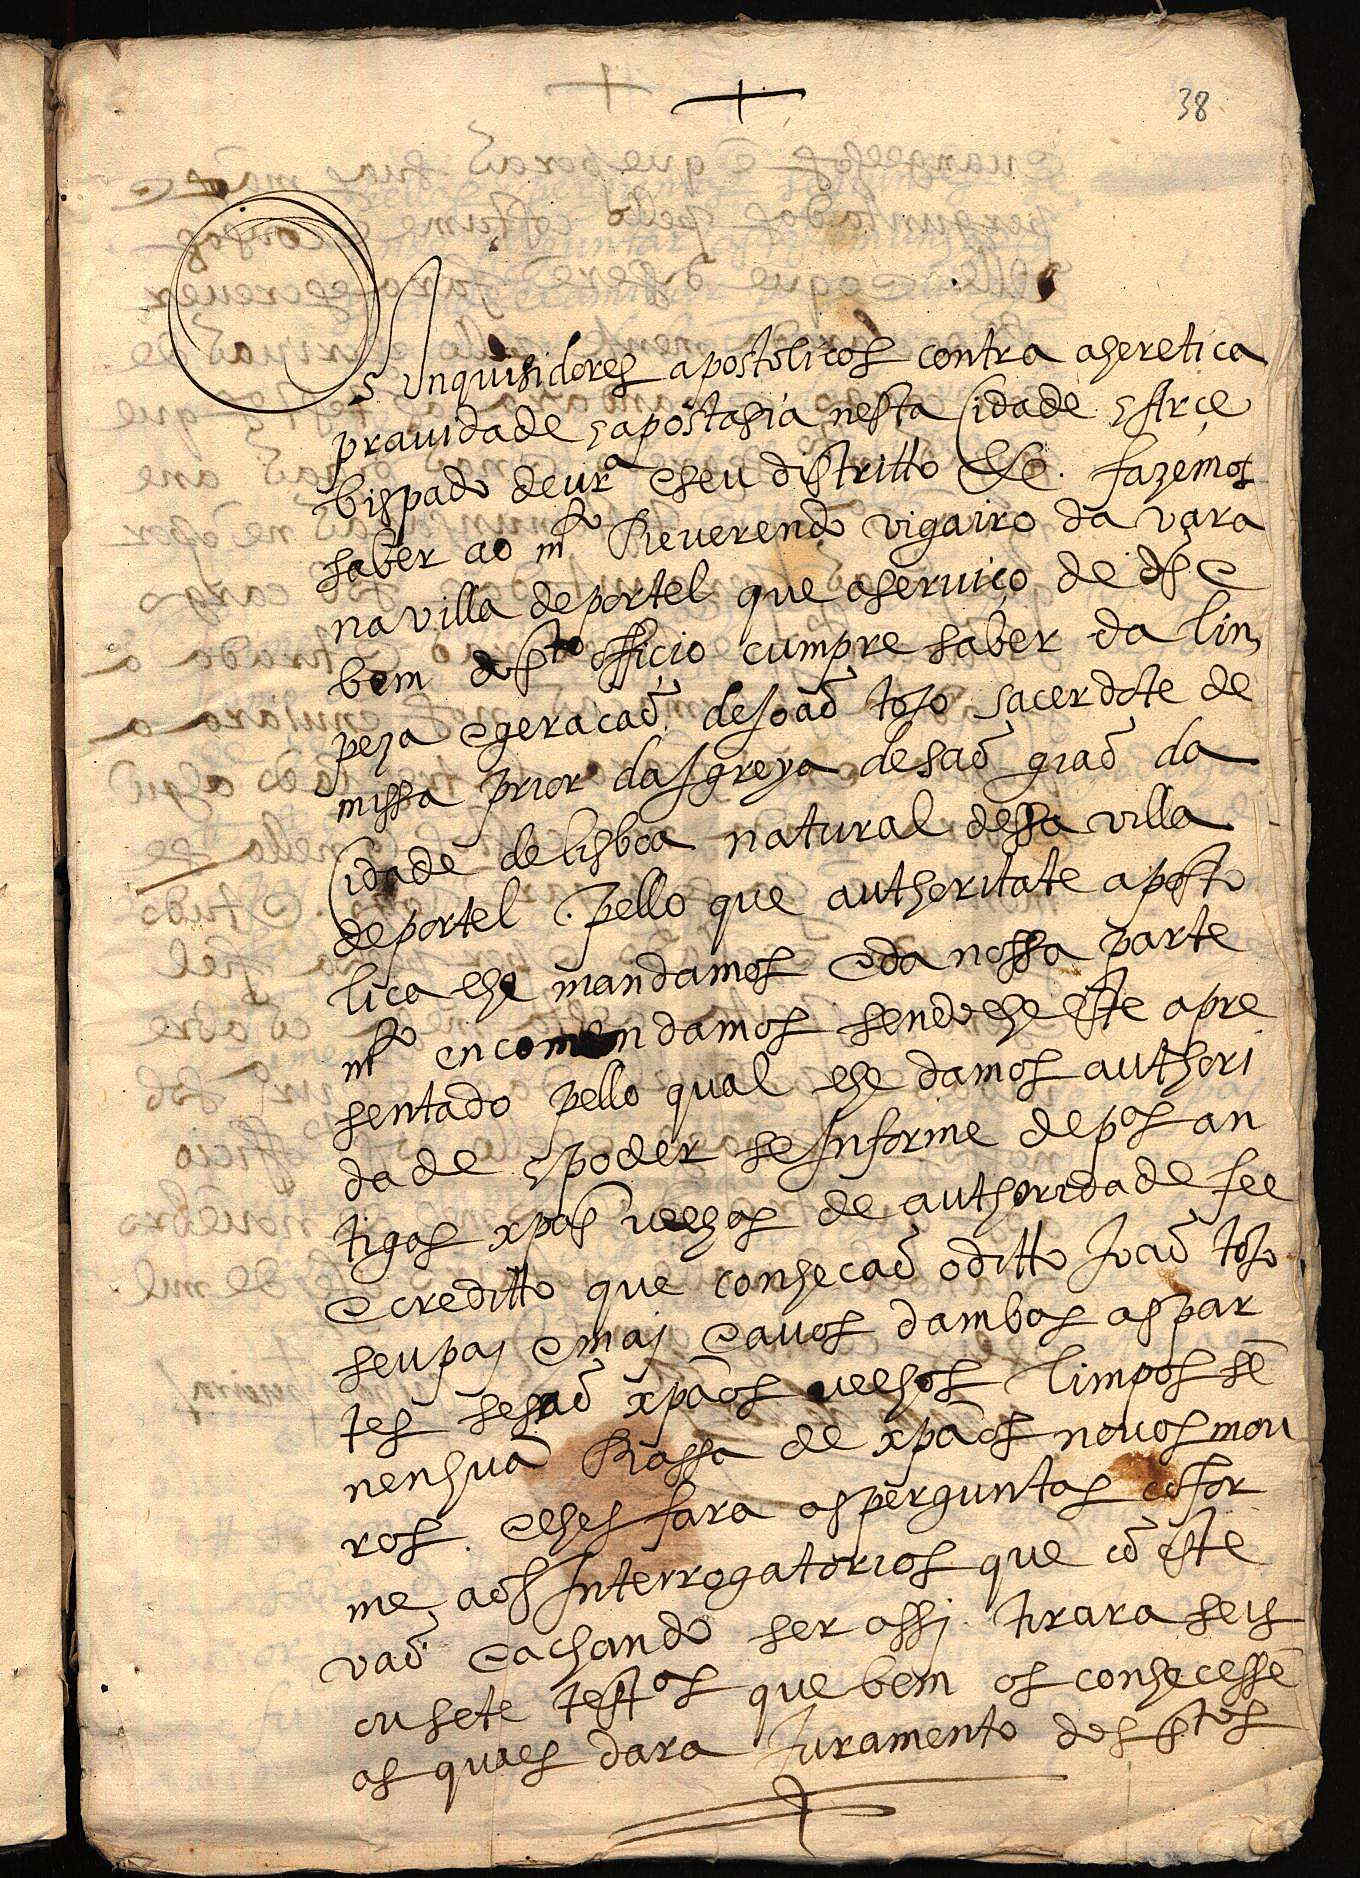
Os Inquisidores apostolicos contra a heretica
prauidade E apostasia nesta Cidade E Arçe
bispado deura e seu distritto &c. fazemos
saber ao mto Reuerendo vigairo da vara
na villa de portel que a seruiço de ds̄ e
bem do sto offiçio cumpre saber da lin
peza e geracaõ de Joaõ tojo sacerdote de
missa prior da Jgreya de saõ giaõ da
Cidade de lisboa natural dessa villa
de portel. Pello que authoritate aposto
lica lhe mandamos e da nossa parte
mto encomendamos sendolhe este apre
sentado pello qual lhe damos authori
dade E poder se Jnforme de pas an
tigas xpas̄ uelhas de authoridade fee
e creditto que conhecaõ o ditto Joaõ tojo
seu paj e maj e auos dambas as par
tes se saõ xpãos uelhos limpos sē
nenhuā Rassa de xpãos nouos mou
ros. e lhes fara as perguntas cōfor
me aos Jnterrogatorios que cō este
vaõ e achando ser assj tirara seis
ou sete testas que bem os conhecessē
as quaes dara Juramento dos stos
